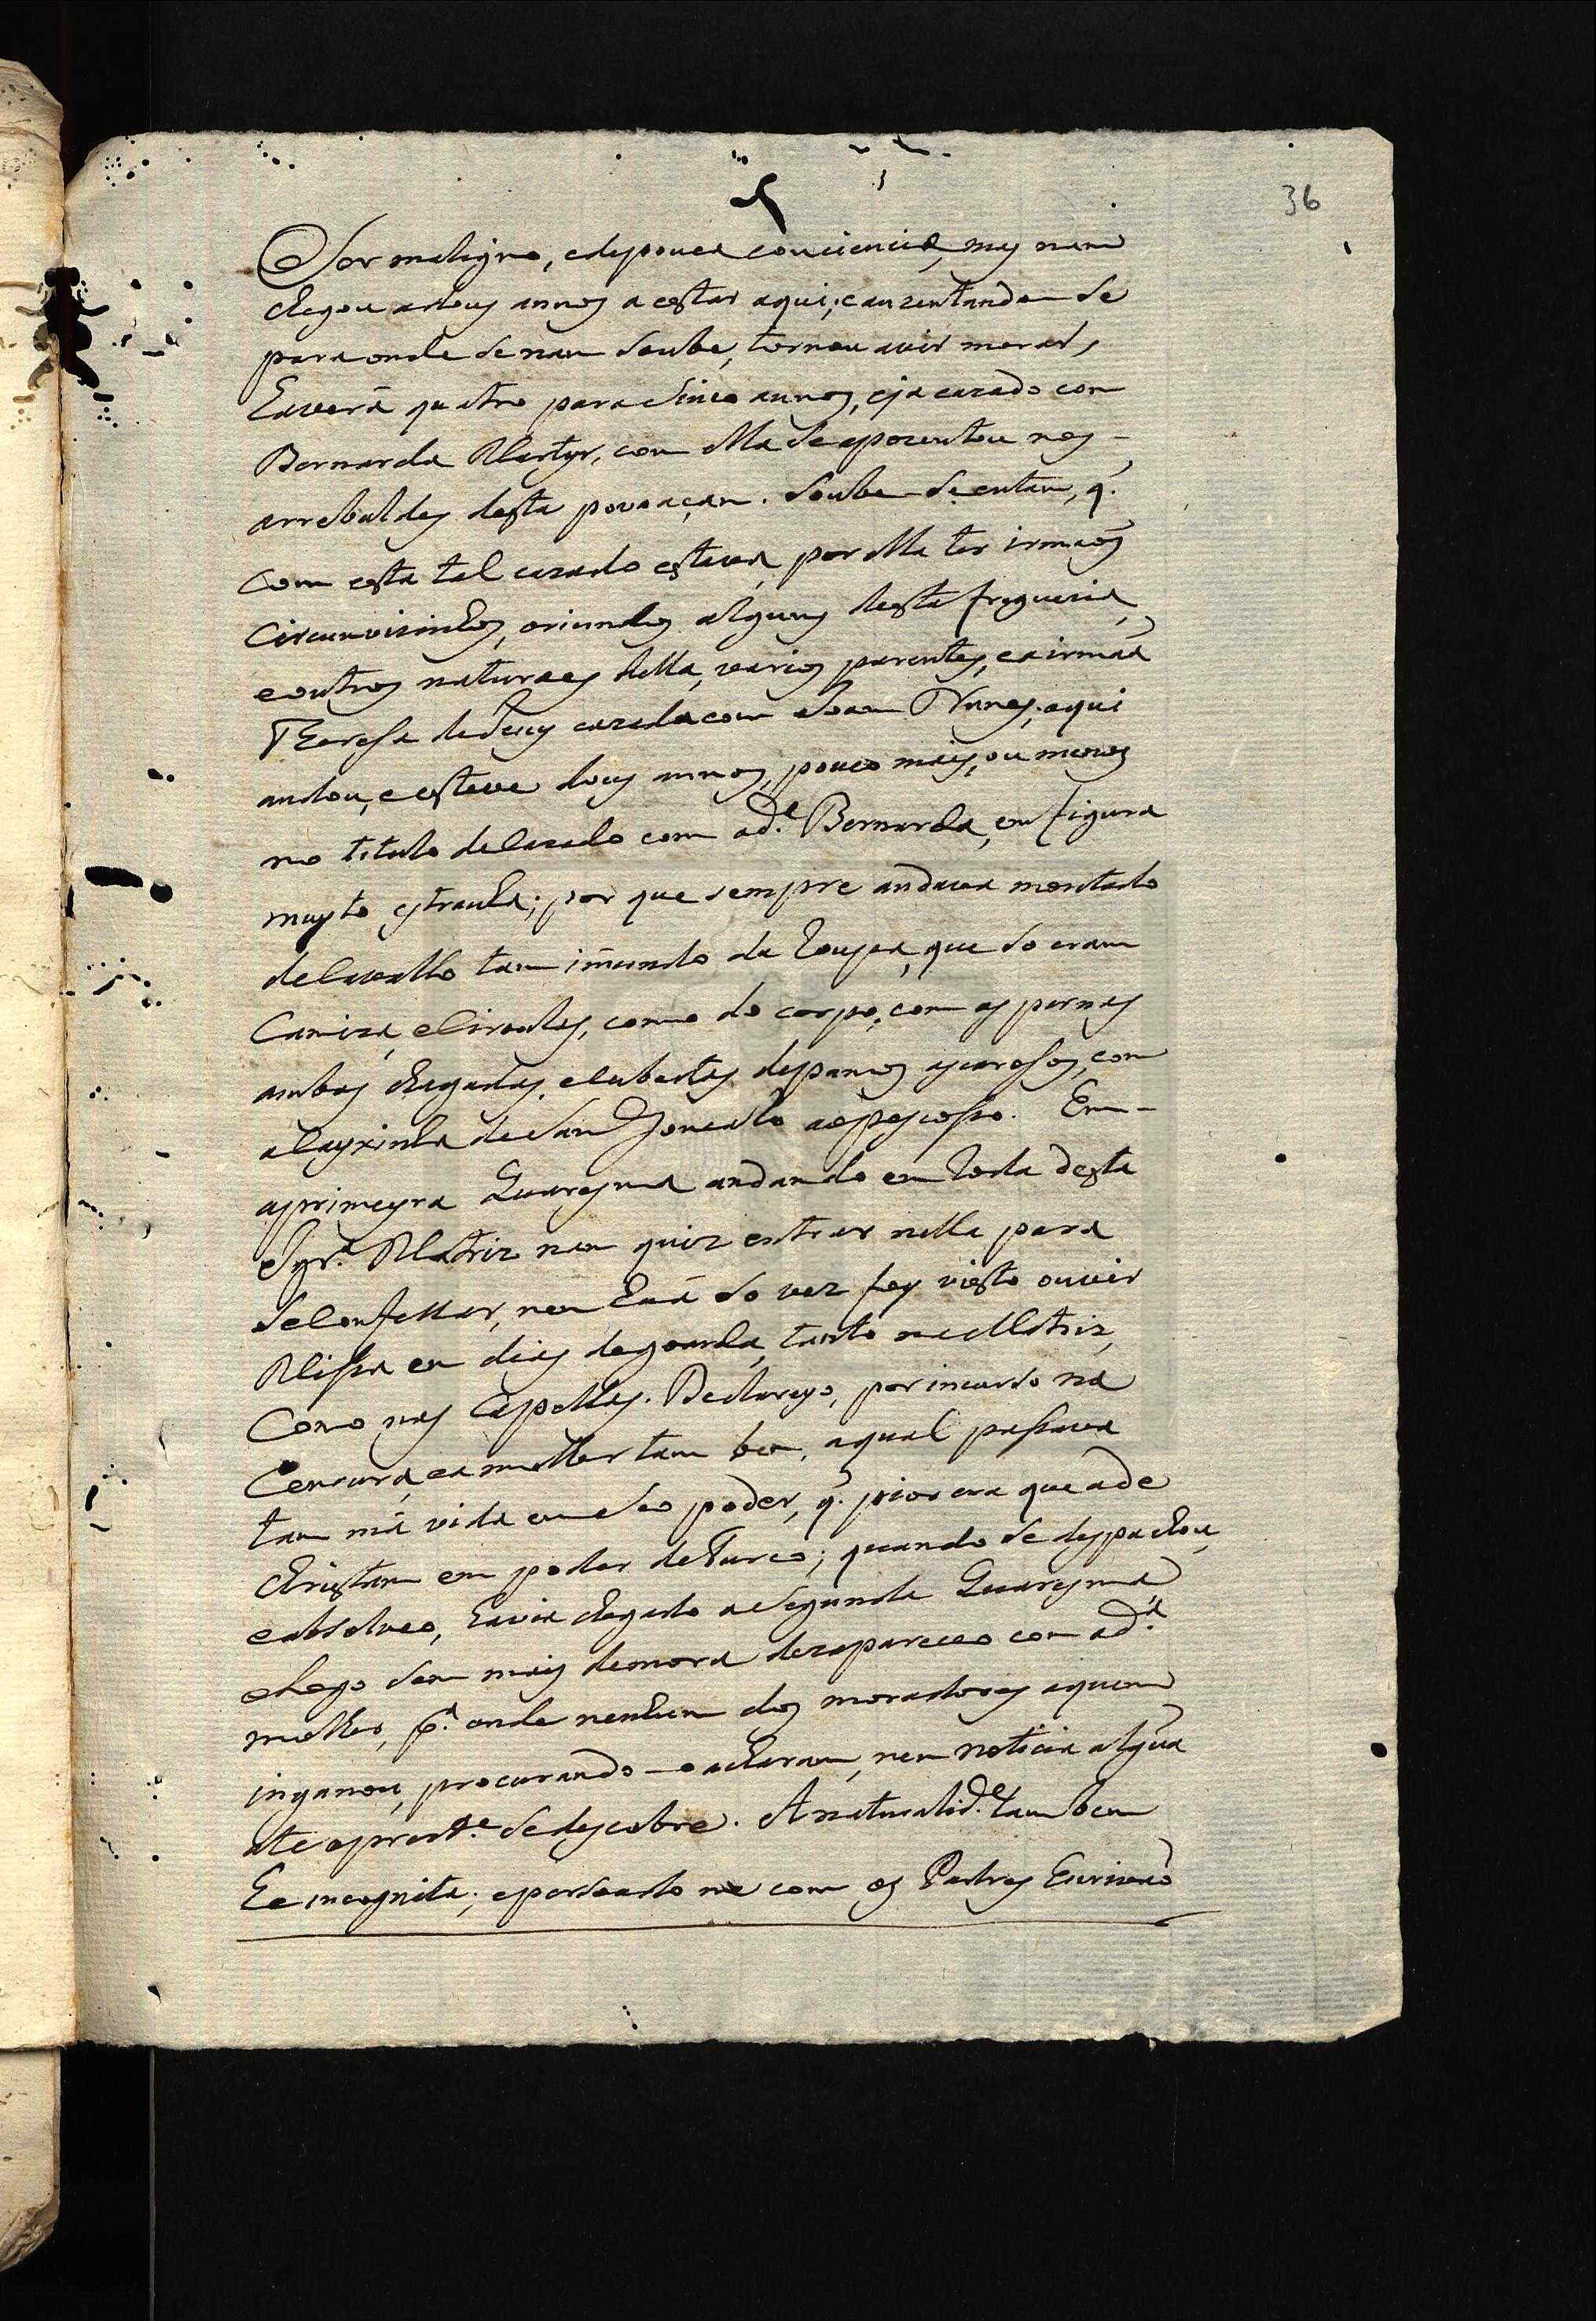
Ser maligno, e de pouca conciencia, mas nam
chegou a dous annos a estar aqui; e auzentando-se
para onde se nan soube, tornou a uir morar,
haverá quatro para sinco annos, e ja cazado con
Bernarda Martyr, con ella se apozentou nos
arrebaldes desta povoaçan. Soube-se entam, q̄
com esta tal cazado estava por elle ter irmaõs
circunvizinhos, oriundos alguns desta freguezia,
e outros naturaes della, varios parentes, e a irmaã
Theresa de Iesus cazada com Ioam Nunes, aqui
andou, e esteve dous annos, pouco mais, ou menos
no titulo de cazado com a d.a Bernarda, em figura
muyto estranha; por que sempre andava montado
de Cavallo tam im̄undo da Roupa, que so eram
Camiza, e Ciroulas, como do corpo; com as pernas
ambas chegadas, e cubertas de panos ascarosos, com
e Cayxinha de San Goncallo ao pescosso. Em
a primeyra Quaresma andando em Roda desta
Igr.a Matriz nam quiz entrar nella para
se confessar, nem huā so vez foy visto ouvir
Missa en dias de goarda, tanto na Matriz,
Como nas Capellas. Declareyo, por incurso na
Censura, e a molher tambem, a qual passava
tam má vida en seo poder, q̄ pior era que a de
christam em poder de Turco; quando se despachou,
e absolveo, havia chegado a seguinte Quaresma
e Logo sem mais demora dezapareceo com a d.a
molher, p.a onde nenhum dos moradores a quem
inganou, procurando-o acharam, nem noticia algūa
ate o prezt.e se descobre. A naturalid.e tambem
he incognita; e persoadome com os Padres Escrivaõ
